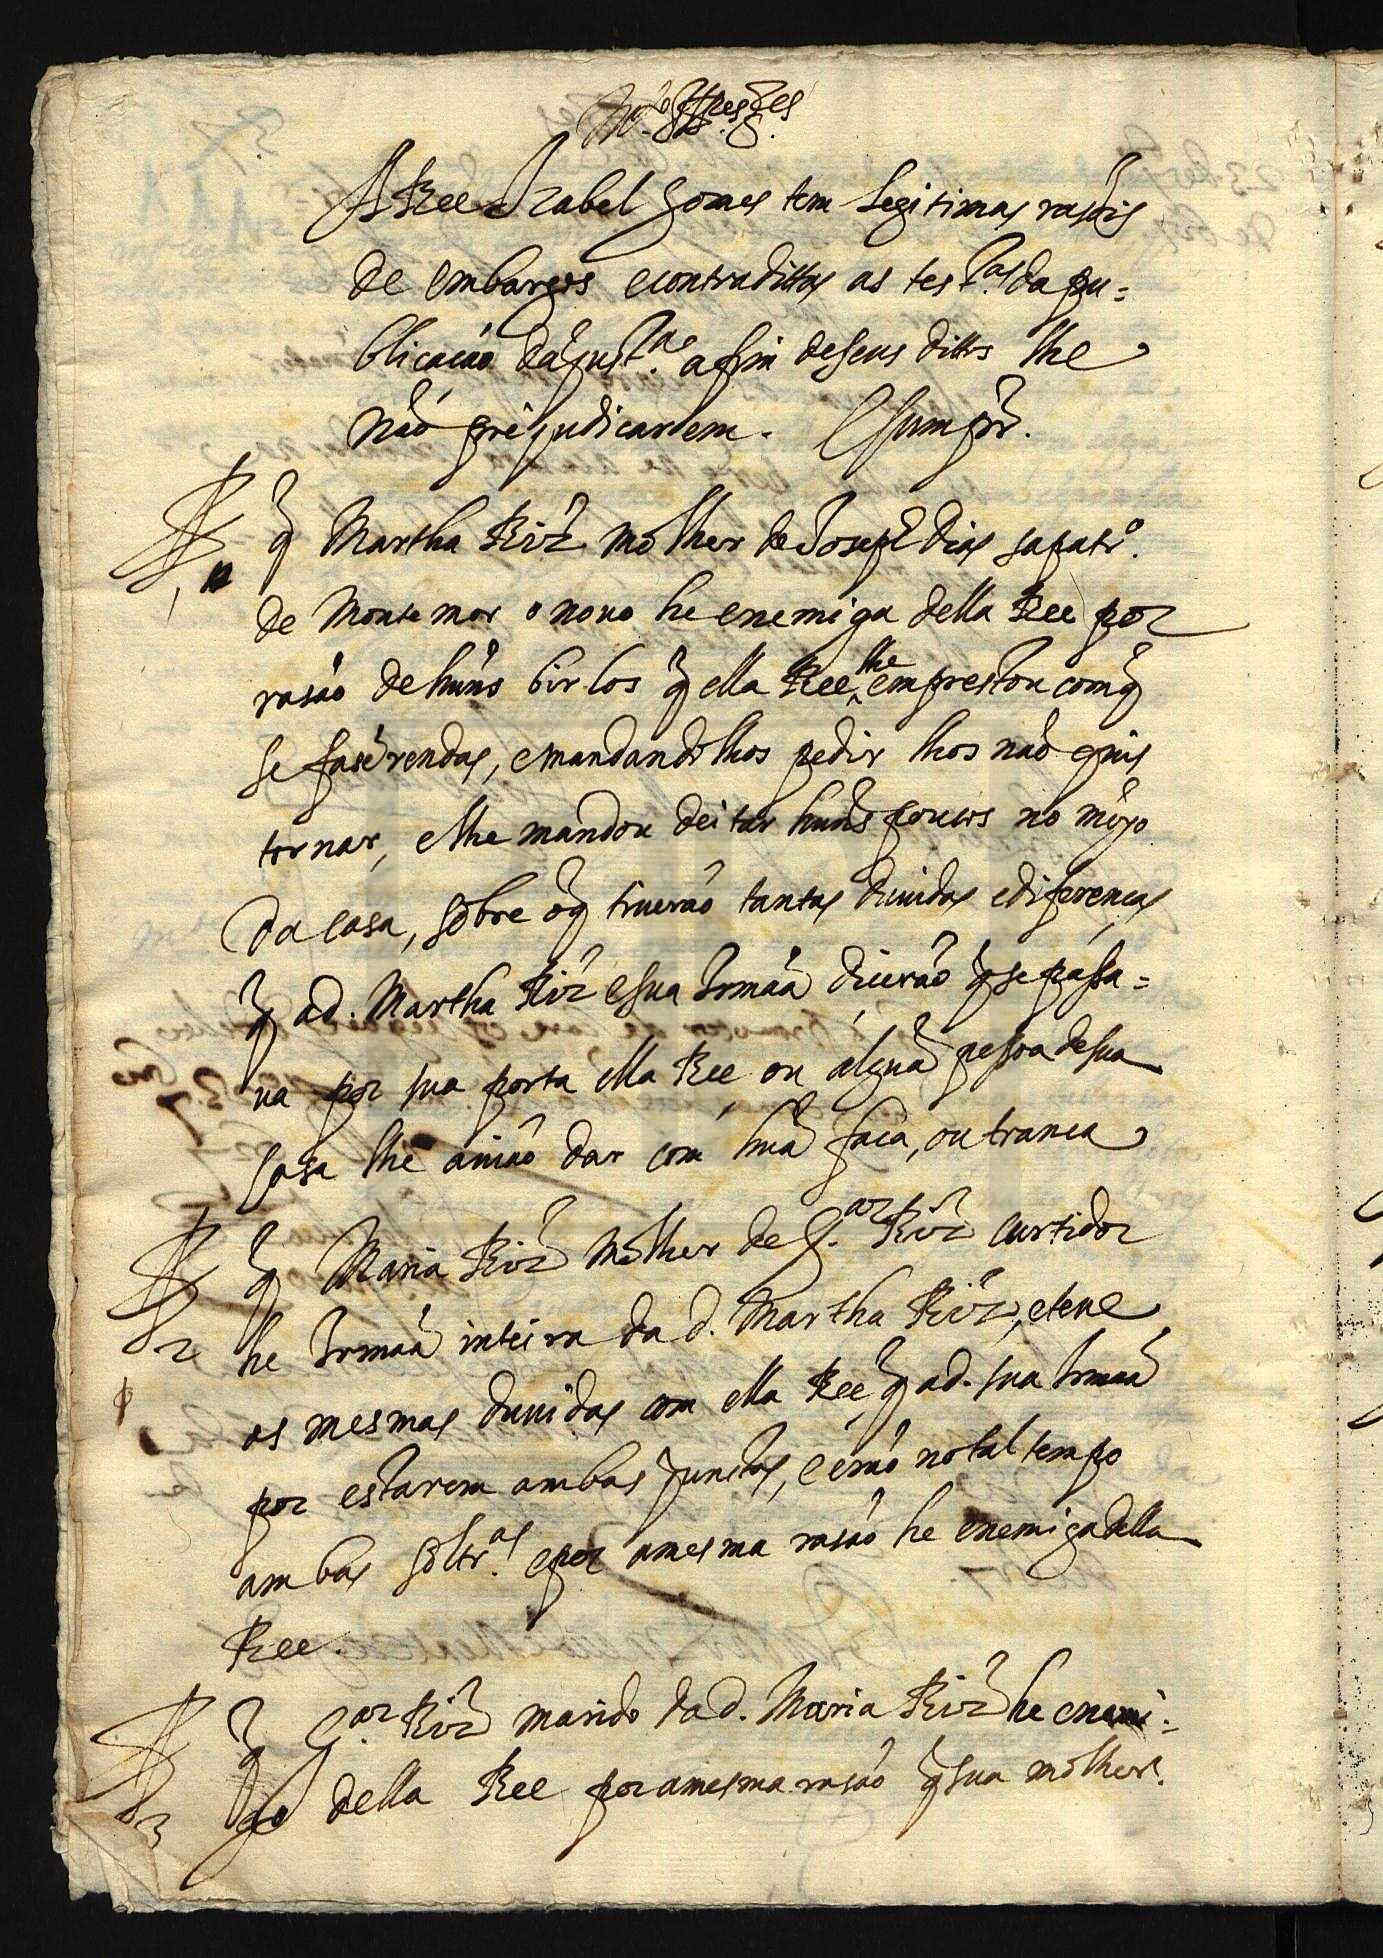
M.to Ill̄.res S.res
A Ree Izabel Gomes tem Legitimas rasõis
de embargos e contradittas as test.as da pu
blicaçaõ da just.a a fim de seus dittos lhe
naõ prejudicarem. E Cumpr̄.
Ꝓ 1 2 q̄ Martha Riz̄ molher de Joseph Dias sapatr.o
de Montemor o nouo he enemiga della Ree por
rasaõ de hun̄s birlos q̄ ella Ree lhe emprestou com q̄
se fasē rendas, e mandandolhos pedir lhos naõ quis
tornar, e lhe mandou deitar hun̄s poucos no meyo
da casa, sobre o q̄ tiueraõ tantas duuidas e diferenças
q̄ a d. Martha Riz̄ e sua Irmaā diceraõ q̄ se passa
ua por sua porta ella Ree, ou alguā pessoa de sua
Casa lhe auiaõ dar com huā faca, ou tranca
Ꝓ 2 q̄ Maria Riz̄ molher de G.ar Riz̄ curtidor
he Irmaã inteira da d. Martha Riz̄, e teue
as mesmas duuidas com ella Ree, q̄ a d. sua Irmaā
por estarem ambas junctas, e eraõ no tal tempo
ambas soltr.as e por a mesma rasão he enemiga della
Ree.
Ꝓ 3 q̄ G.ar Riz̄ marido da d. Maria Riz̄ he enemi
go della Ree por a mesma rasaõ q̄ sua molher
